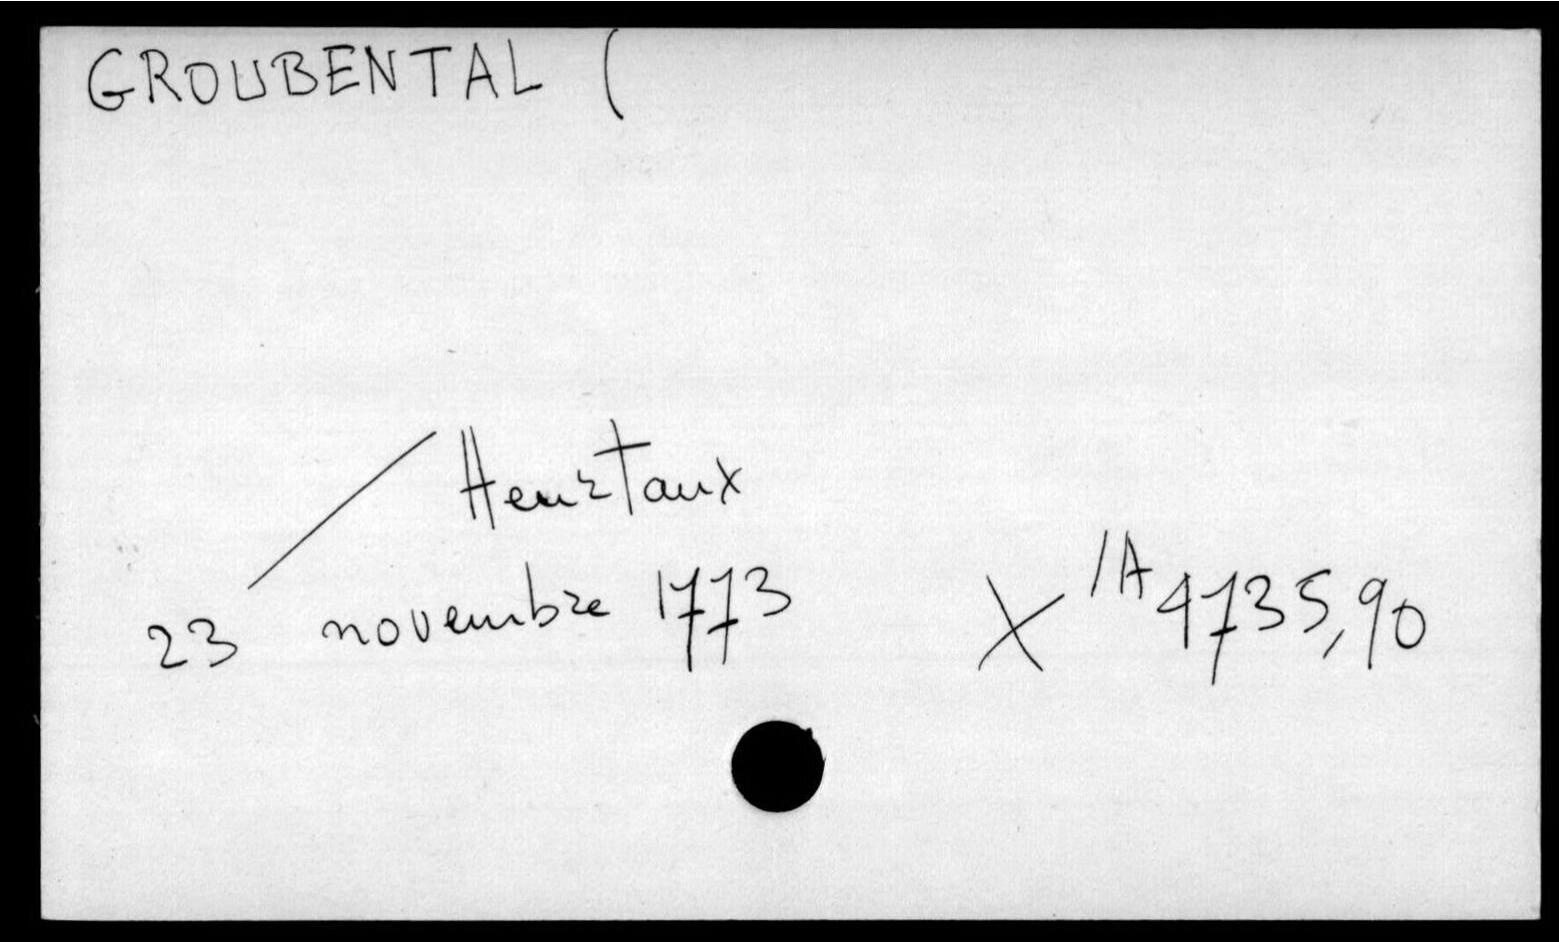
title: GROUBENTAL
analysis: Contre Heurtaux
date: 23 novembre 1773
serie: X1A
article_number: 4735
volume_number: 90
